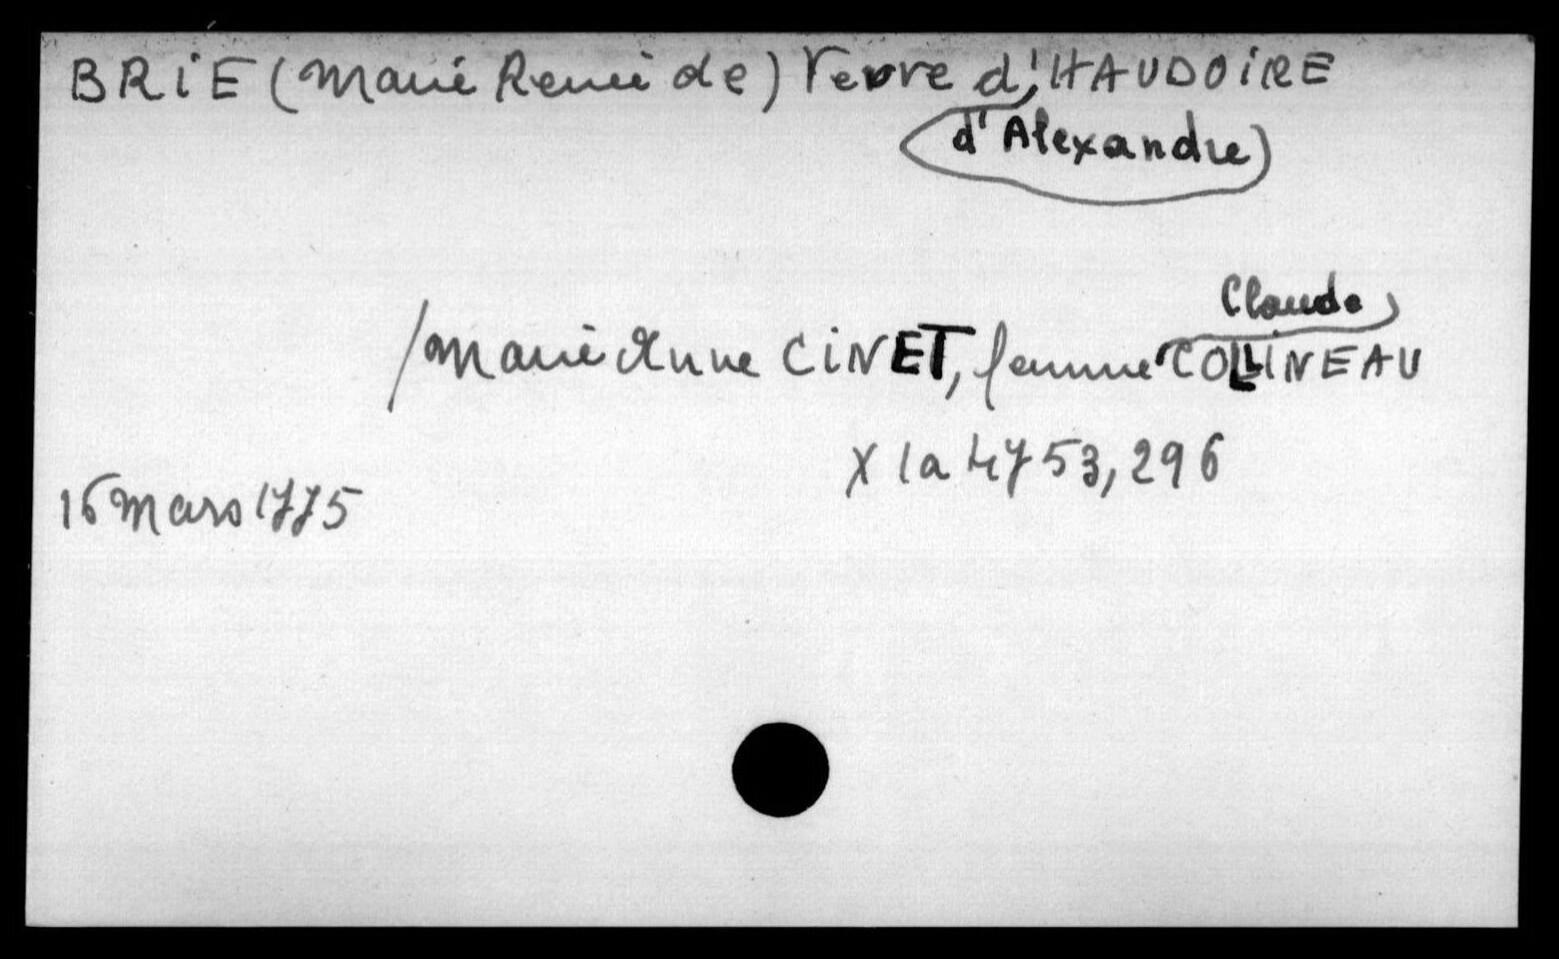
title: BRIE (Marie Renée de) veuve d'Alexandre d'HAUDOIRE
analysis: Contre Marie Anne CINET, femme Claude COLINEAU
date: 16 mars 1775
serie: X1a
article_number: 4753
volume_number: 296
